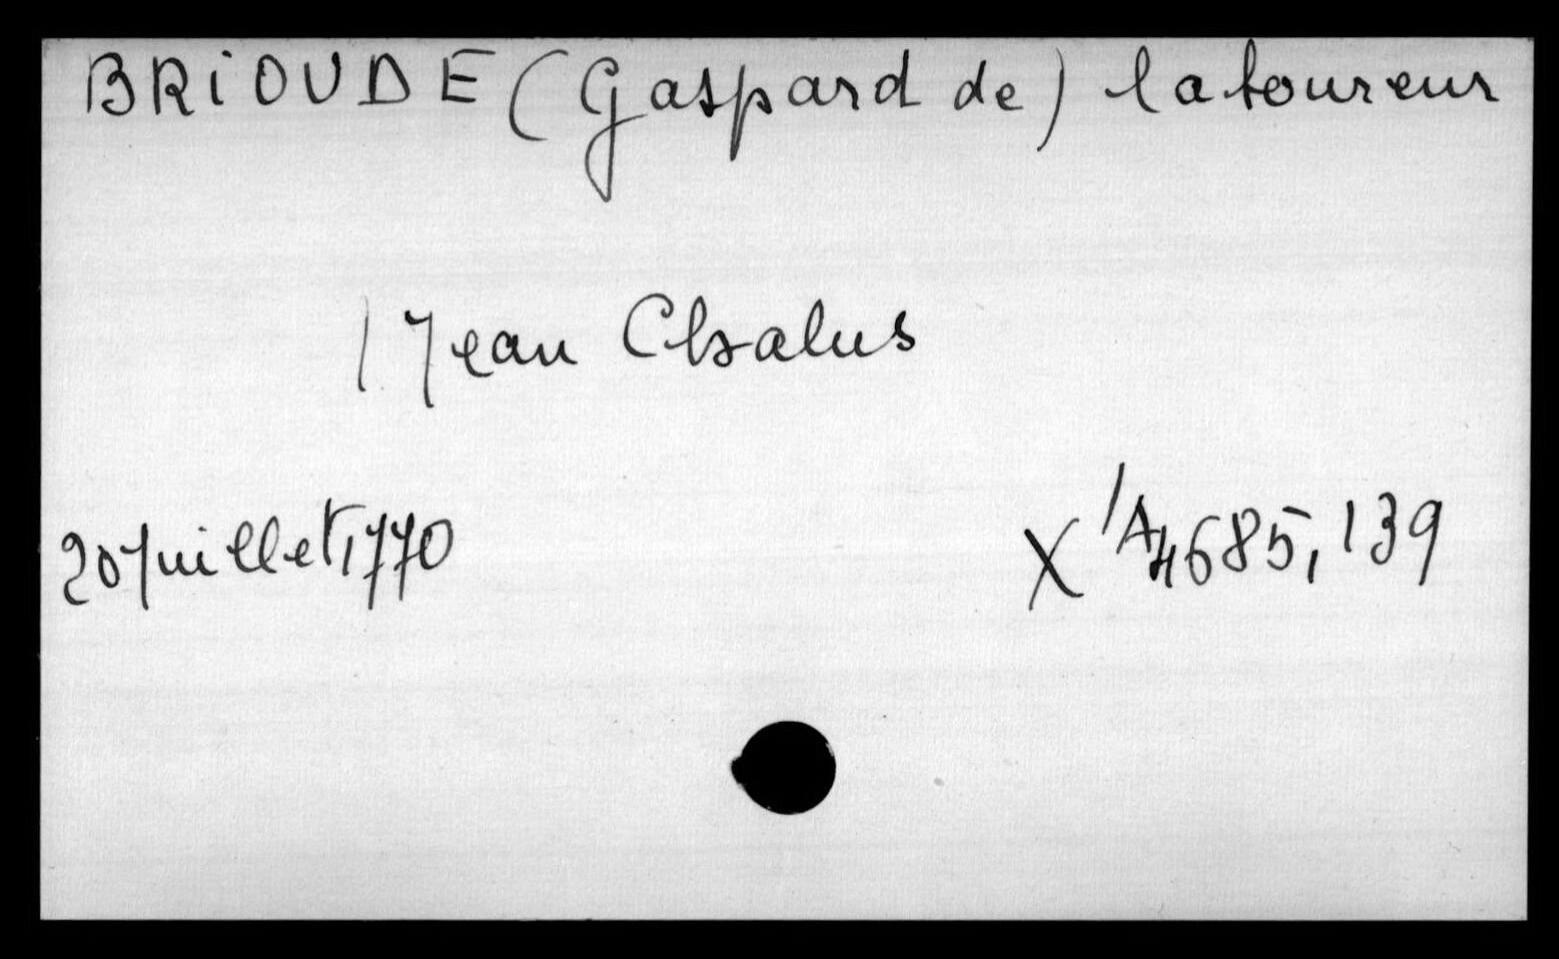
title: BRIOUDE (Gaspard de) labouureur
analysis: Contre Jean Chalus
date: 20 juillet 1770
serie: X1A
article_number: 4685
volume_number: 139
